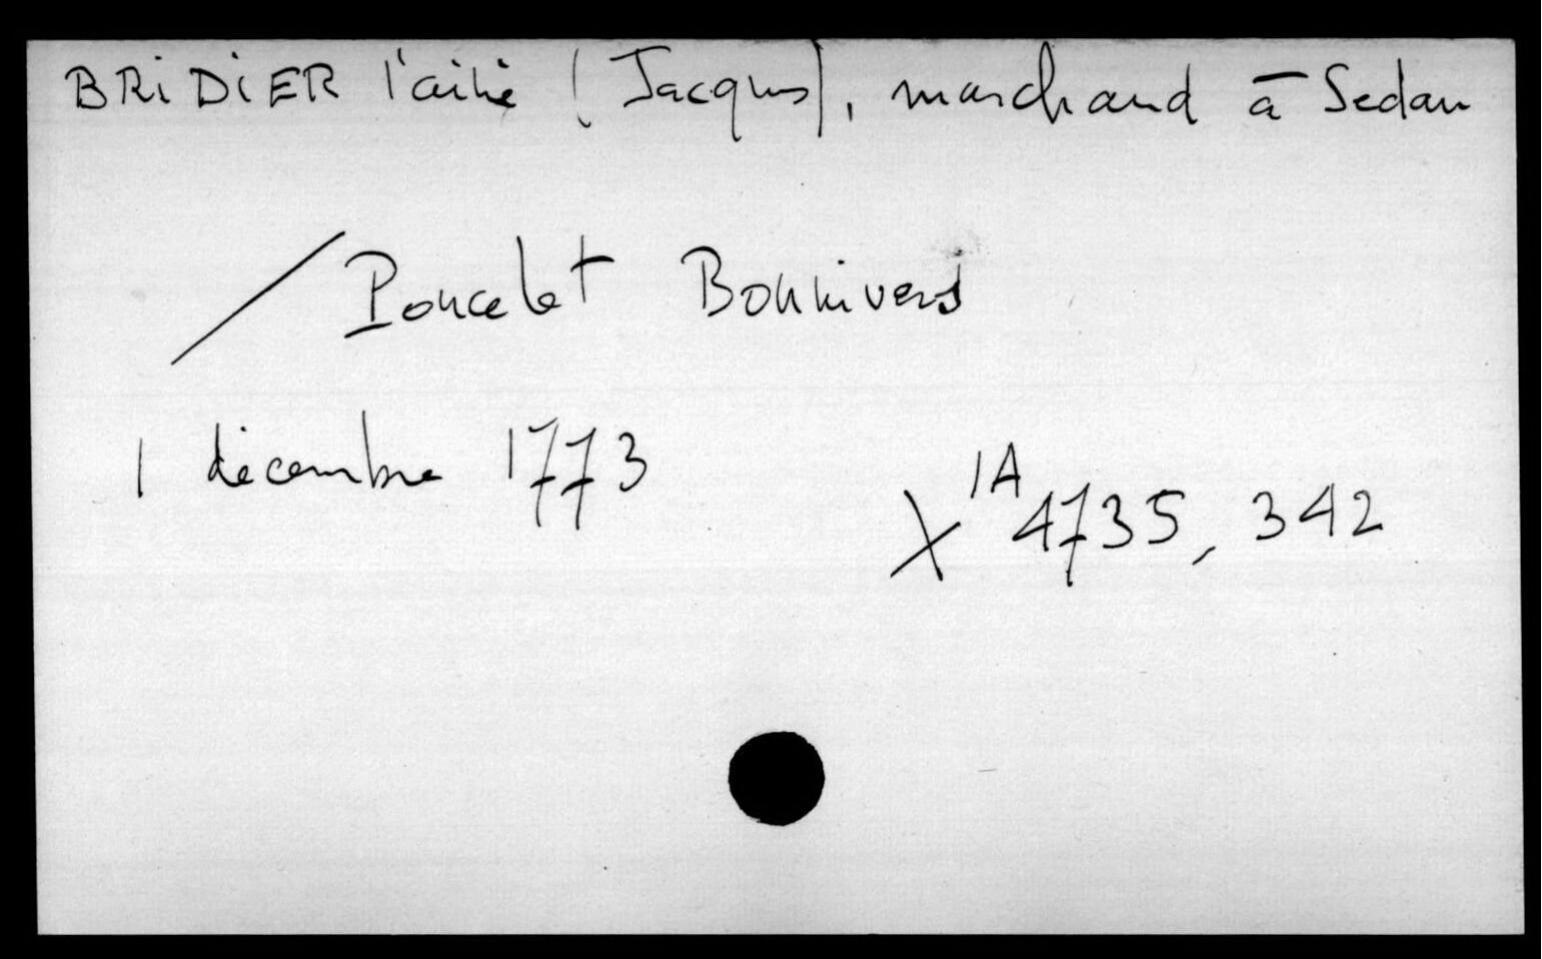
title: BRIDIER l'aîné (Jacques), marchand à Sedan
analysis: Contre Poncelet Bonnivers
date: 1 décembre 1773
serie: X1A
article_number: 4735
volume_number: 342
